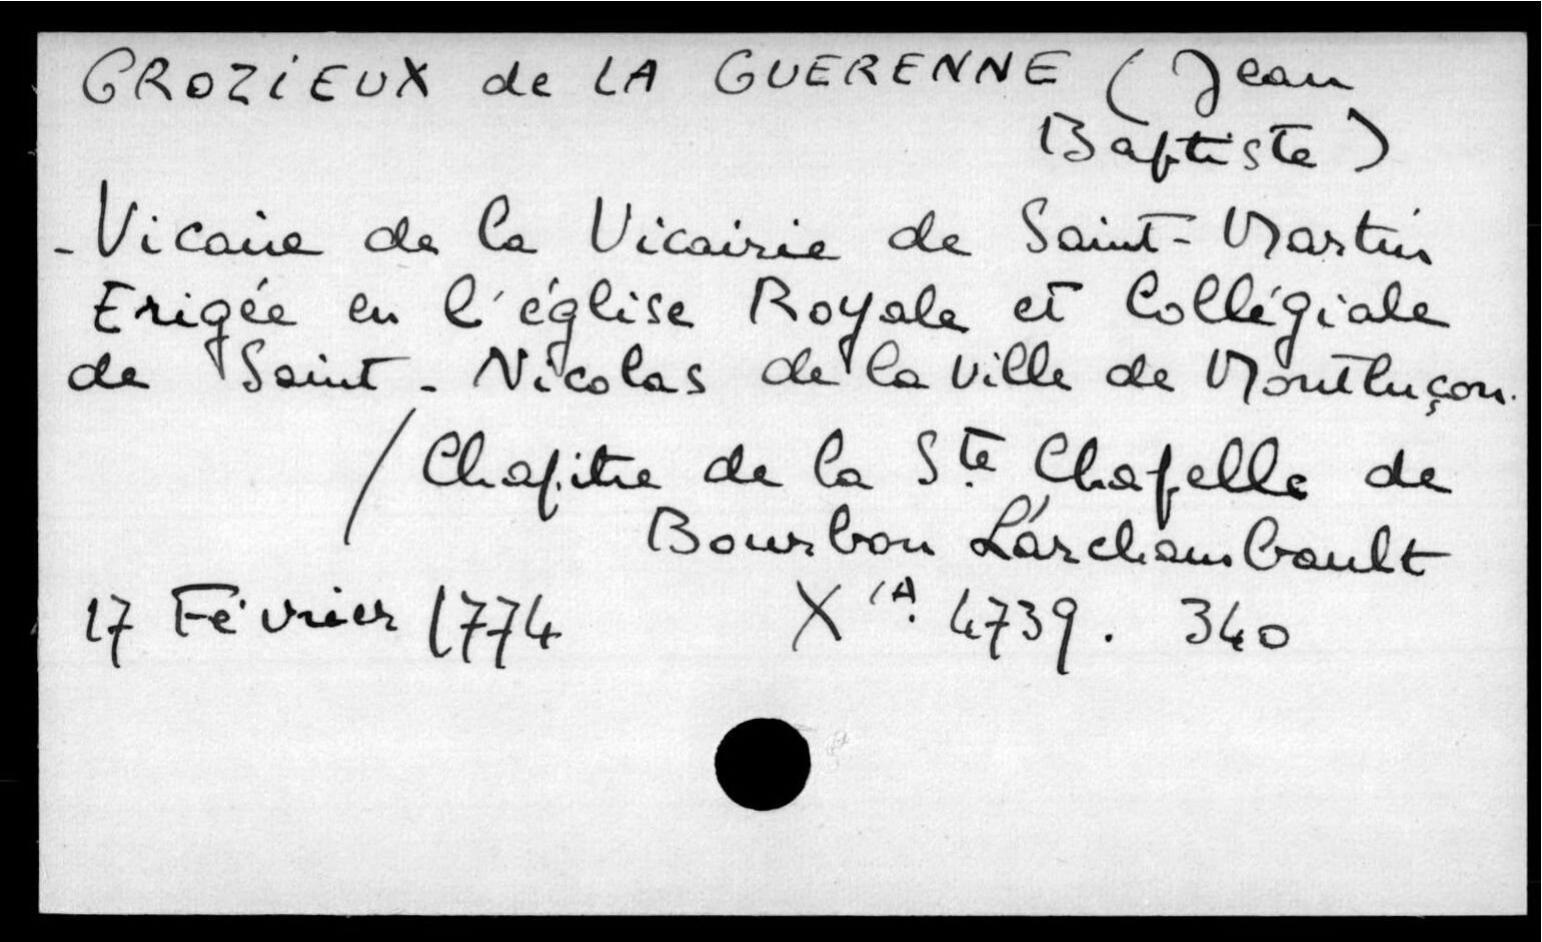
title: GROZIEUX de LA GUERENNE (Jean-Baptiste), vicaire de la vicairie de Saint-Martin, érigée en l'église royale et collégiale de Saint-Nicolas de la ville de Montluçon
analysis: Contre Chapitre de la Sainte-Chapelle de Bourbon- L'archambault
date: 17 février 1774
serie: X1A
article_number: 4739
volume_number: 340
